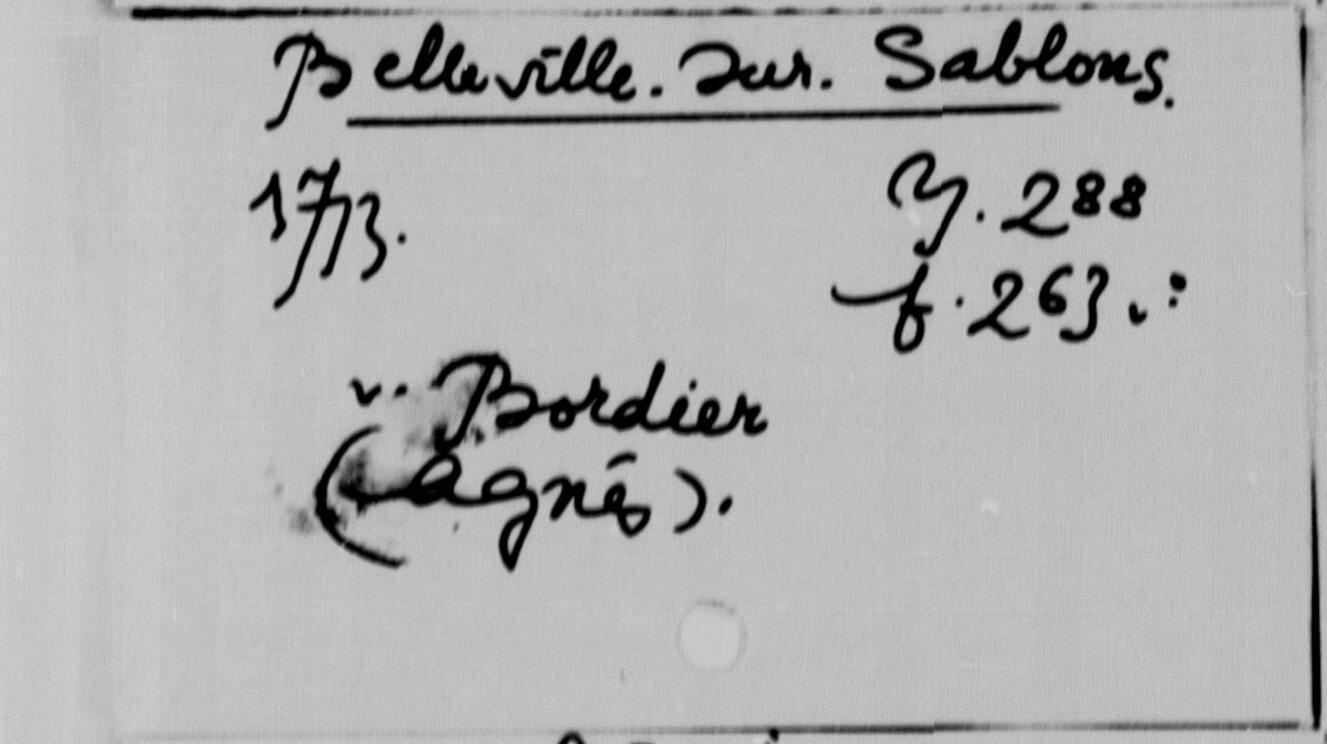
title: Belleville-sur-Sablons
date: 1713
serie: Y
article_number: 288
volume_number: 263v
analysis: Voir Bordier (Agnés)
